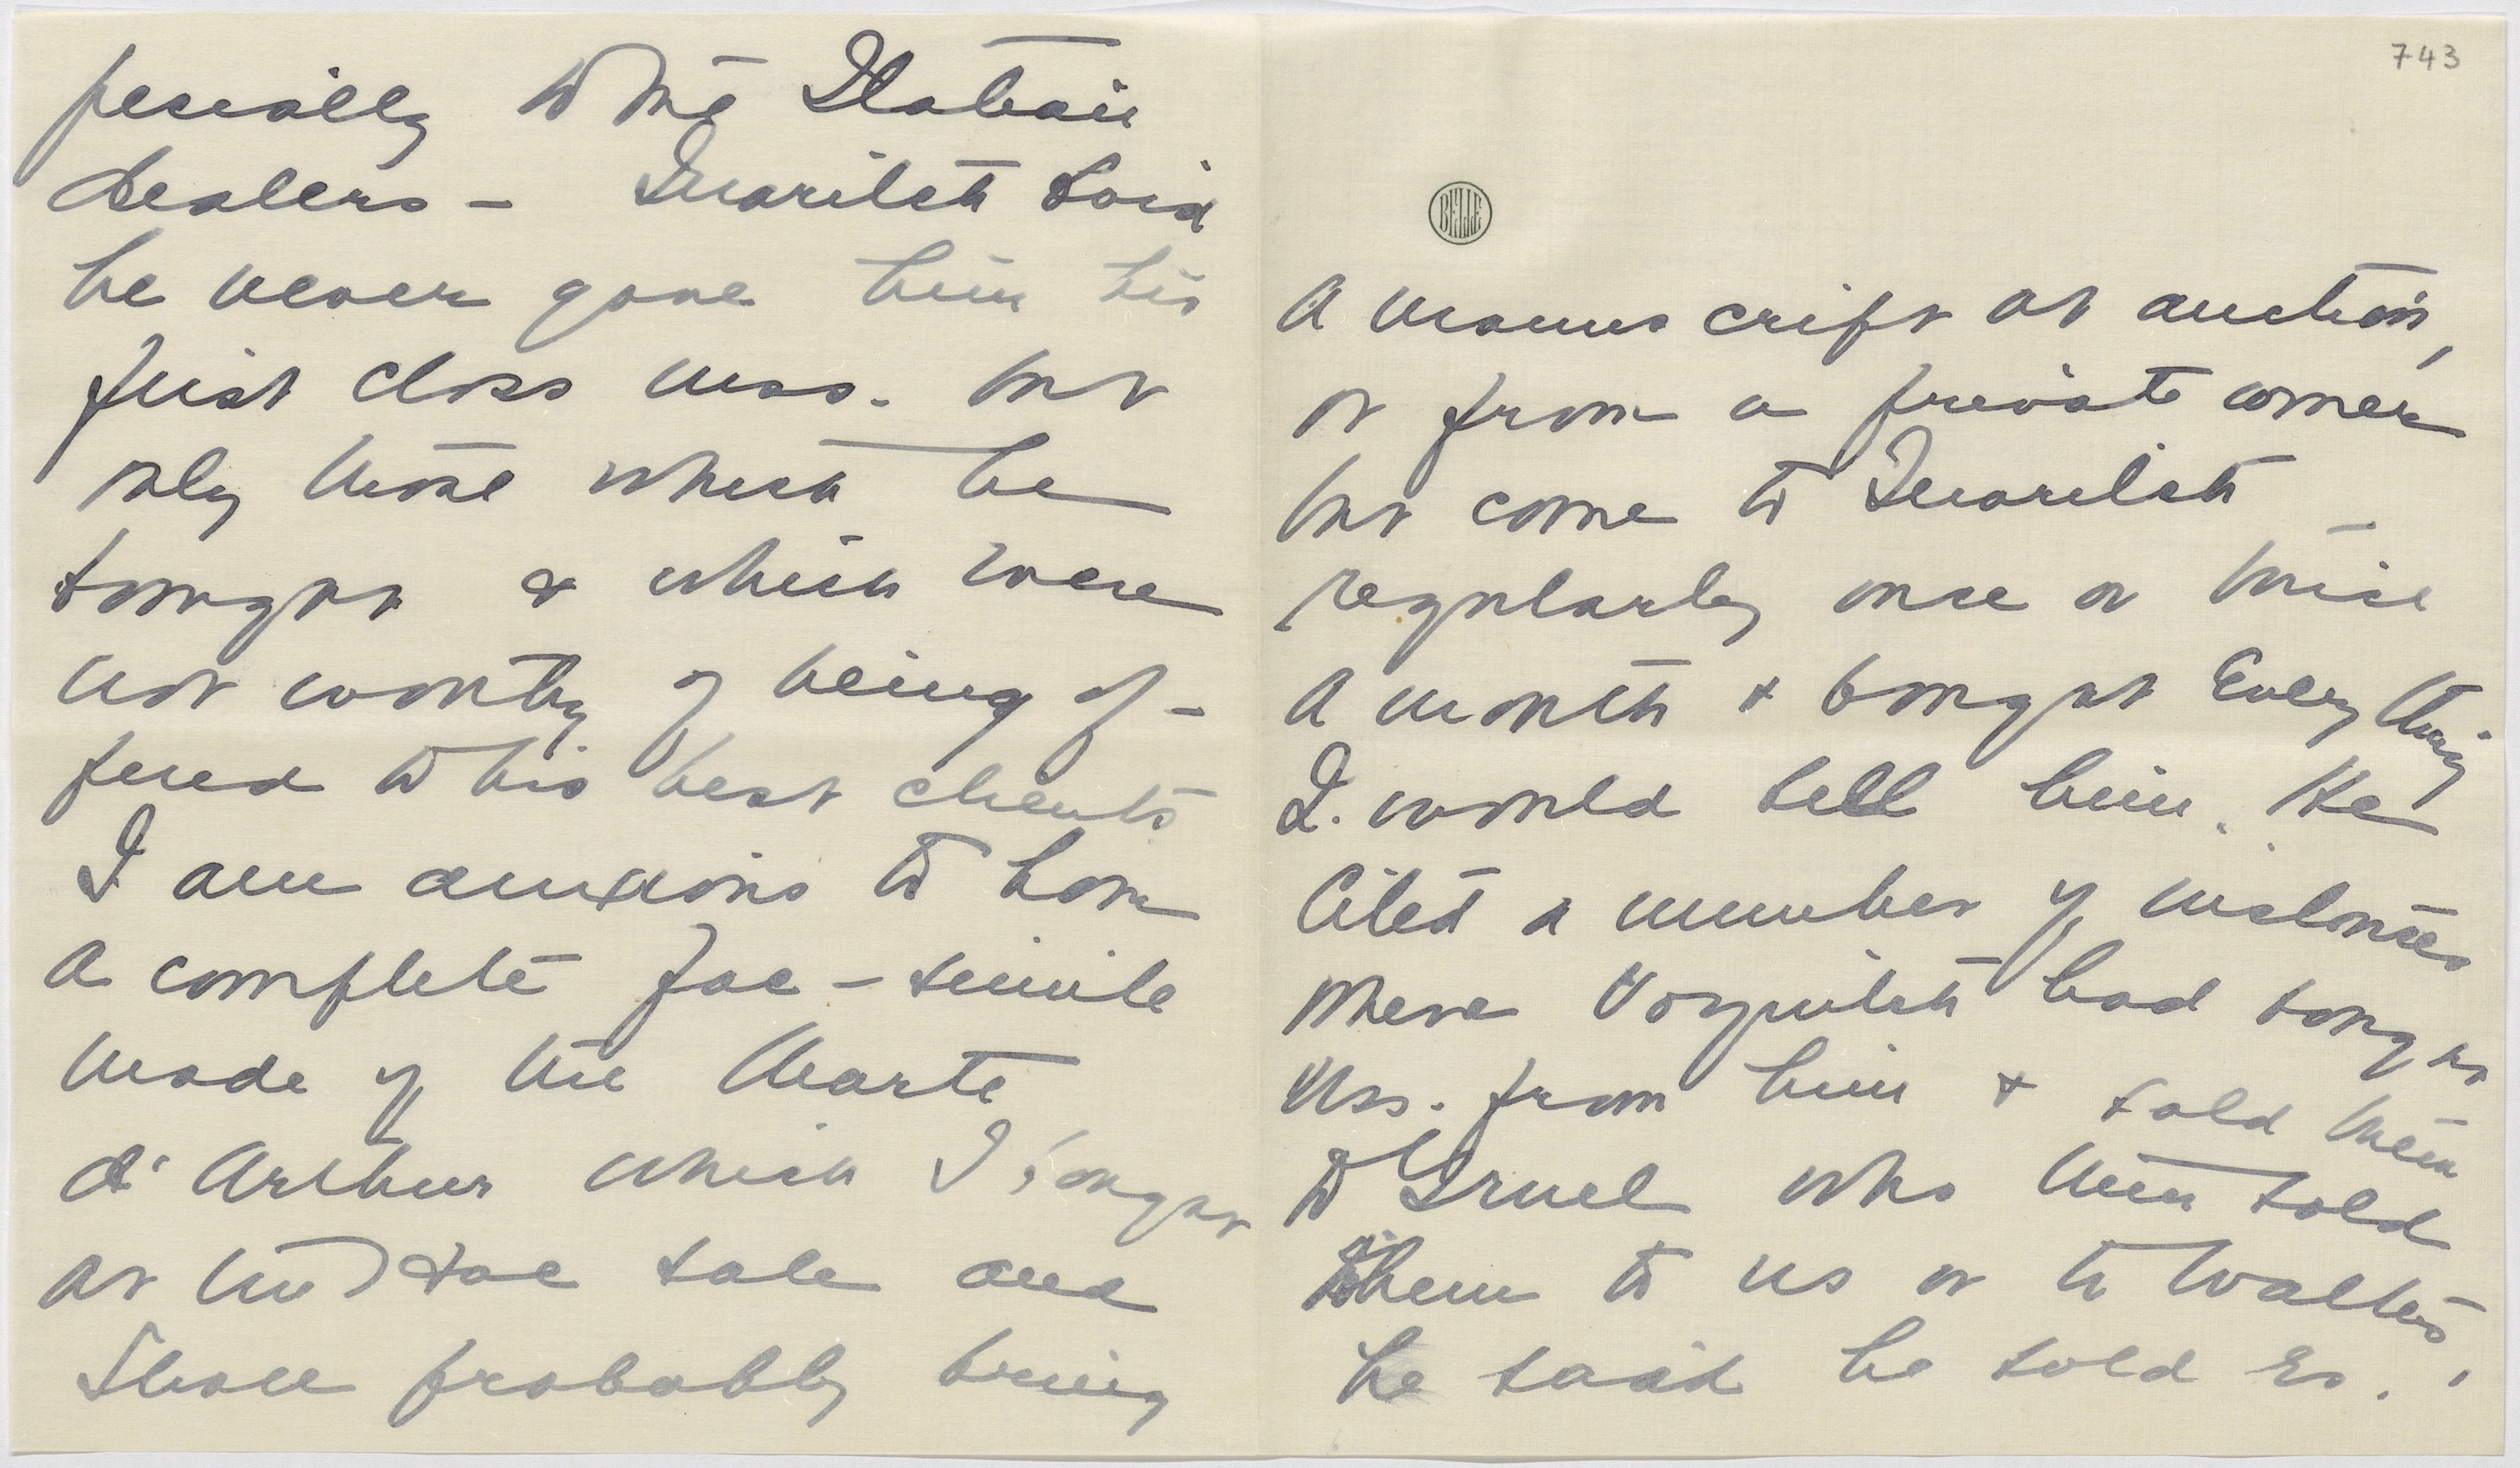a manuscript at auction, or from a private owner but came to Quaritch regularly once or twice a month & bought every thing Q. would sell him. He cited a number of instances where Voynitch had bought mss. from him & sold them to Gruel who then sold them to us or to Walters, he said he sold especially
to the Italian dealers – Quaritch said he never gave him his first class mss. but only those which he bought & which were not worthy of being offered to his best clients
I am anxious to have a complete fac-simile made of the Morte d’Arthur which I bought at the Hoe sale and shall probably bring